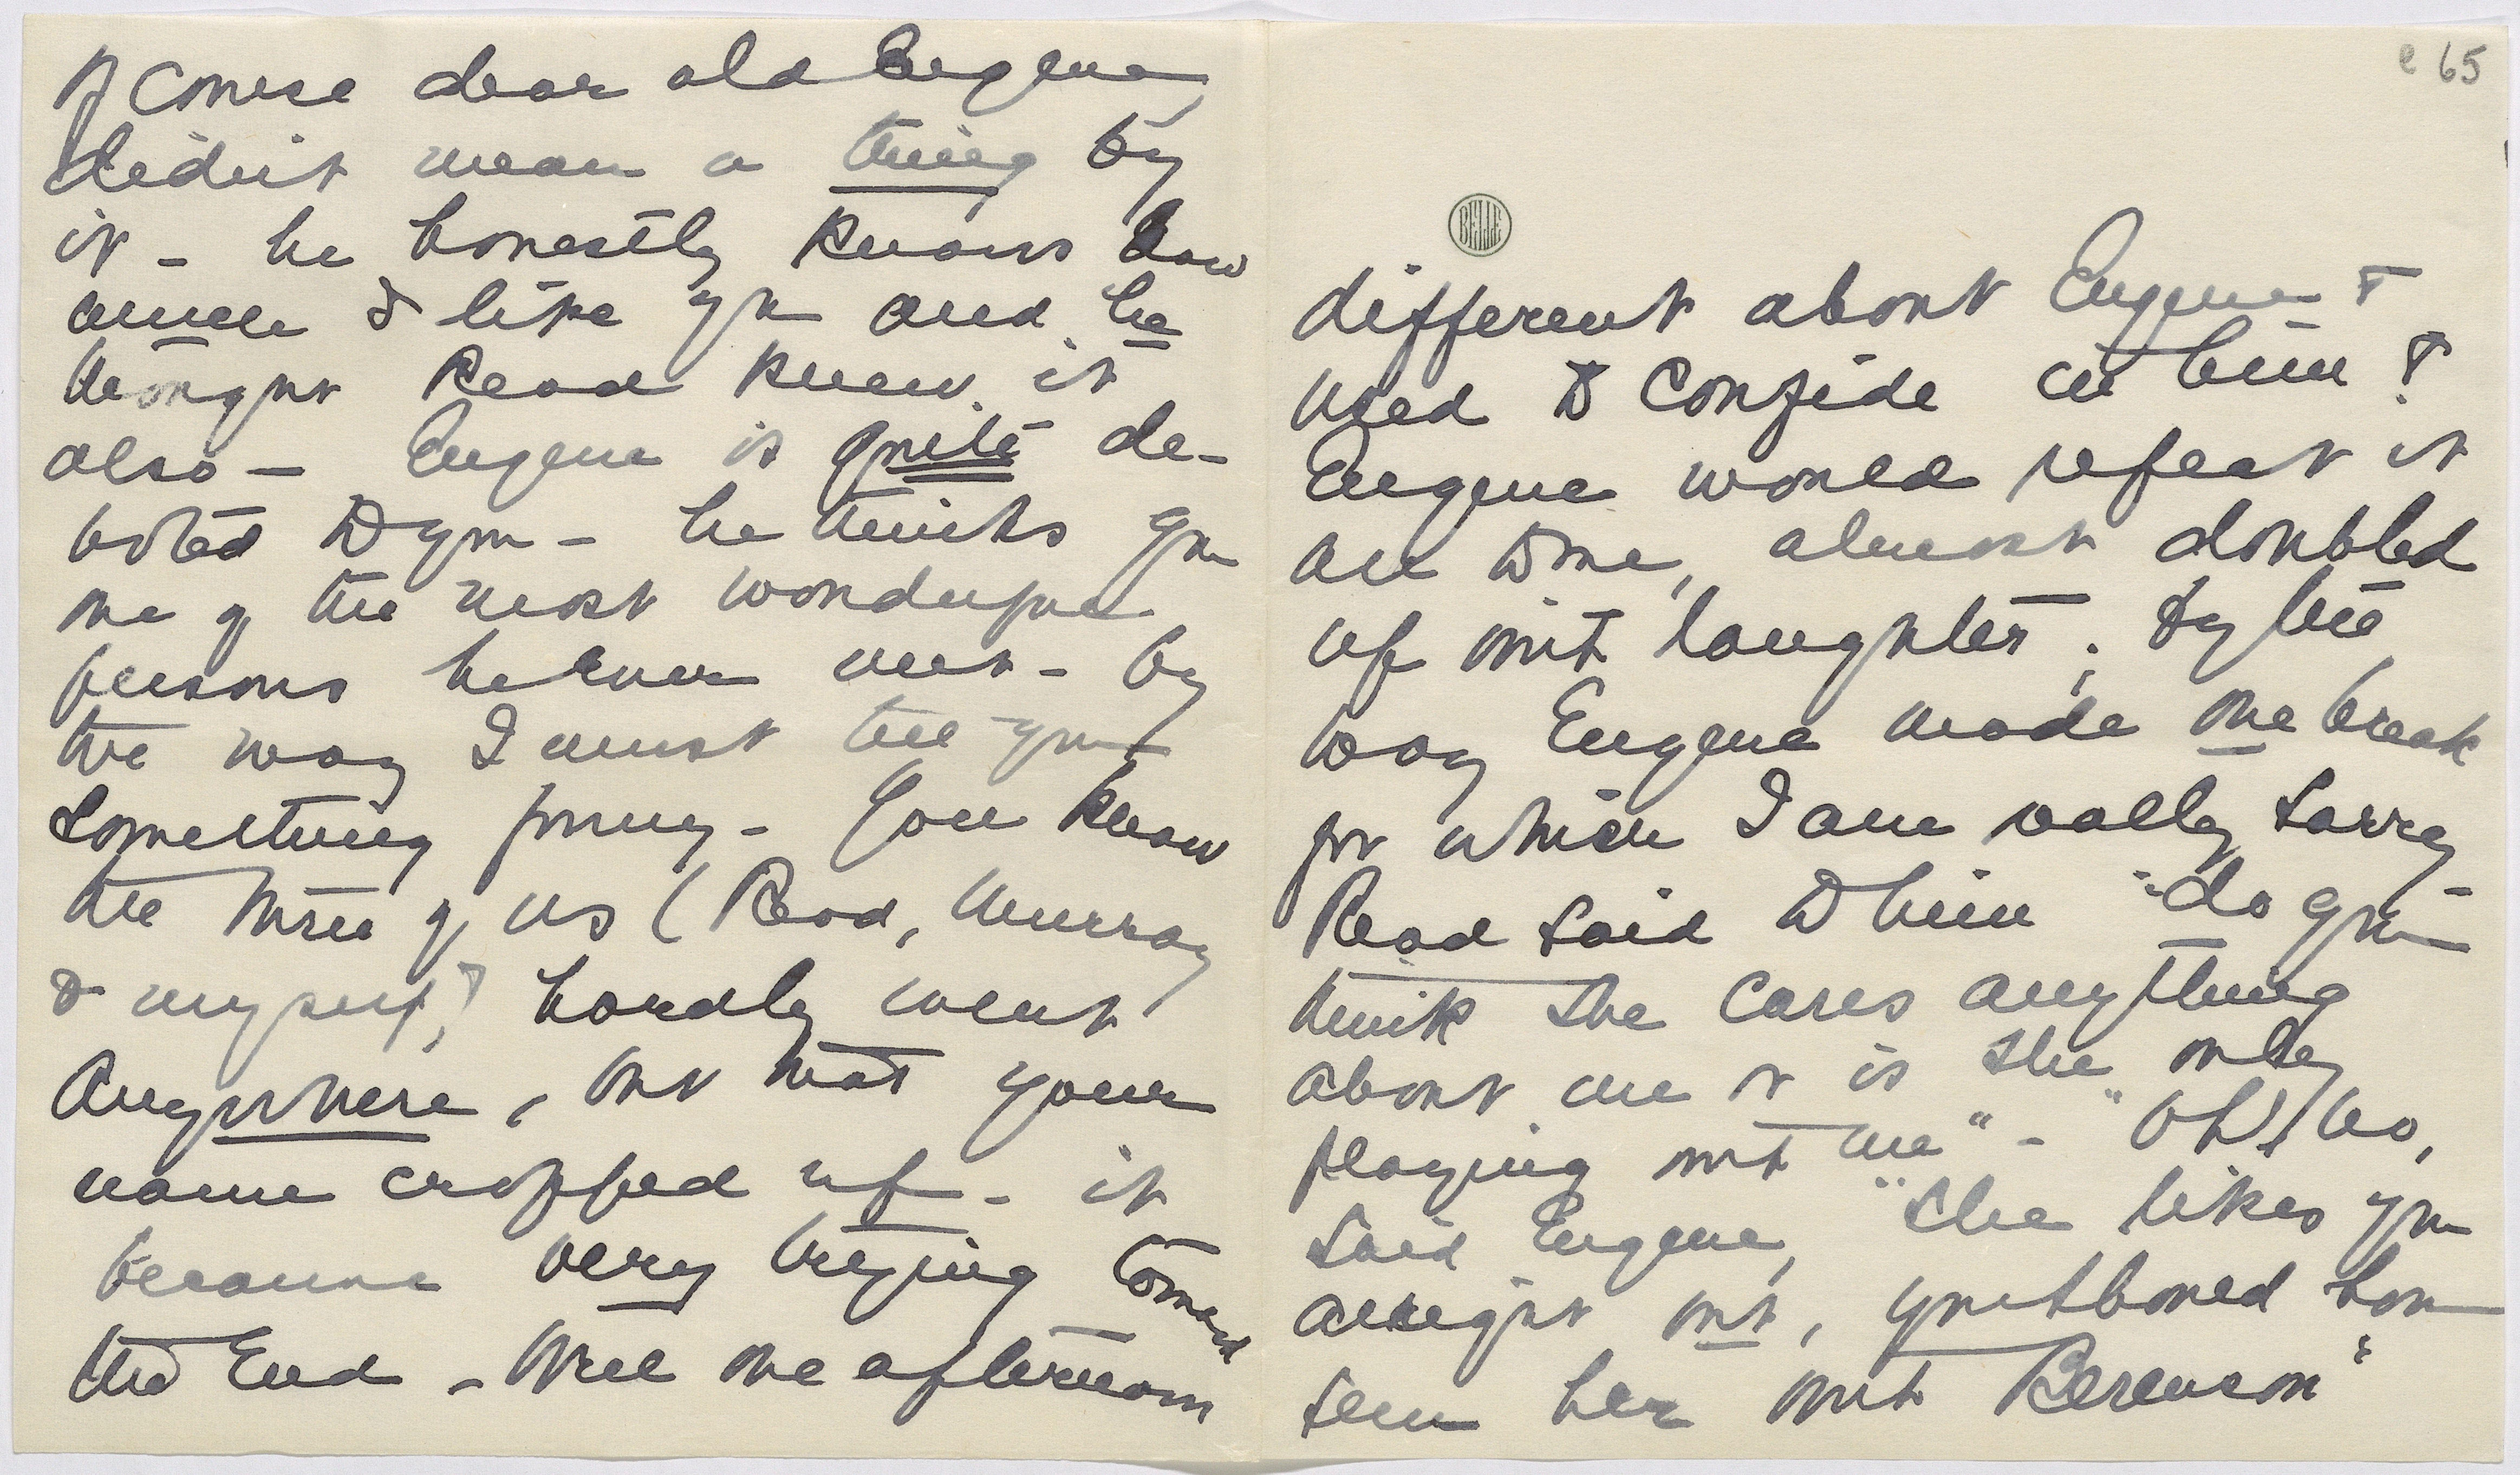different about Eugene & used to confide in him & Eugene would repeat it all to me, almost doubled up with laughter by the way Eugene made one break for which I am really sorry
Read said to him “do you think she cares anything about me or is she only playing with me” – “Oh no, said Eugene, “She likes you alright but, you should have seen her with Berenson”
of course dear old Eugene didn’t mean a thing by it – he honestly knows how much I like you and he thought Read knew it also – Eugene is [double underlined: quite] devoted to you – he thinks you one of the most wonderful persons he ever met – by the way I must tell you something funny – you know the three of us (Read, Murray & myself) hardly went anywhere, but that your name cropped up – it became very trying toward the end – Well one afternoon